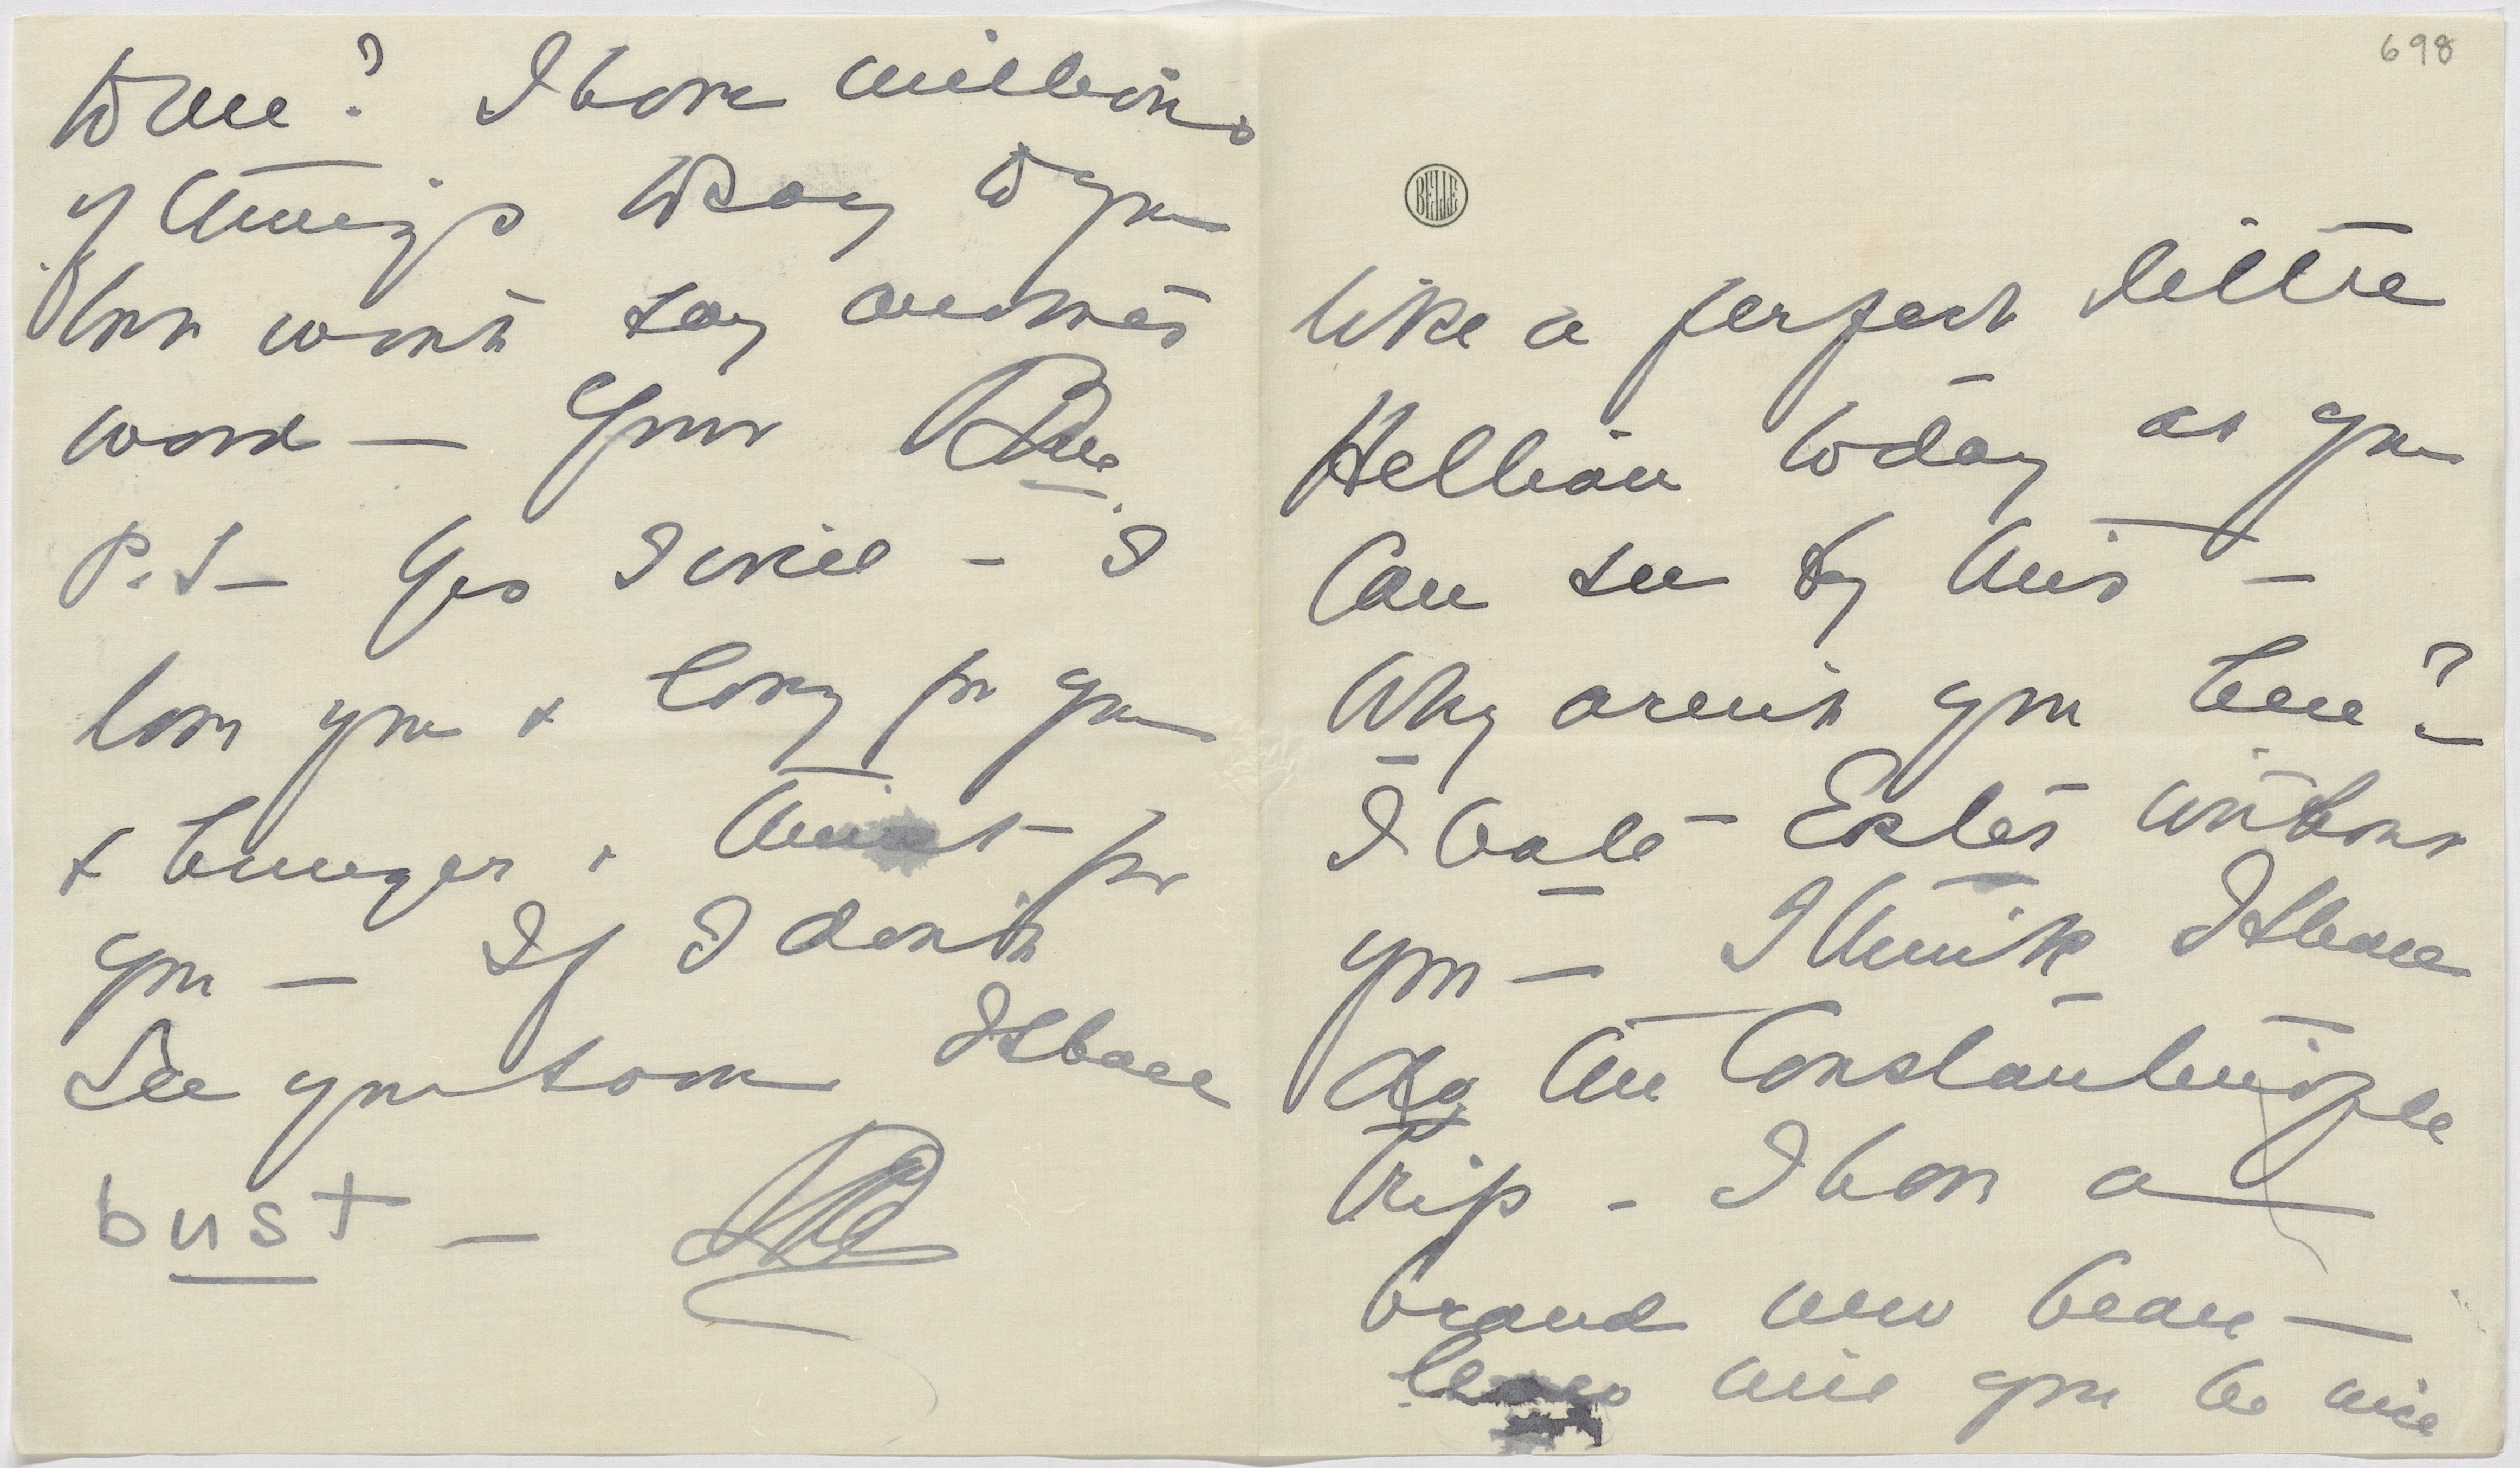like a perfect little Hellion today as you can see by this –
Why aren’t you here? – I hate Easter without you – I think I shall do the Constantinople trip – I have a brand new beau –
Now will you be nice
to me? I have millions of things to say to you but won’t say another word – Your Belle.
P.S – Yes I will – I love you & long for you & hunger & thirst for you – If I don’t see you soon I shall [in print script: bust] – [double underlined: Belle]